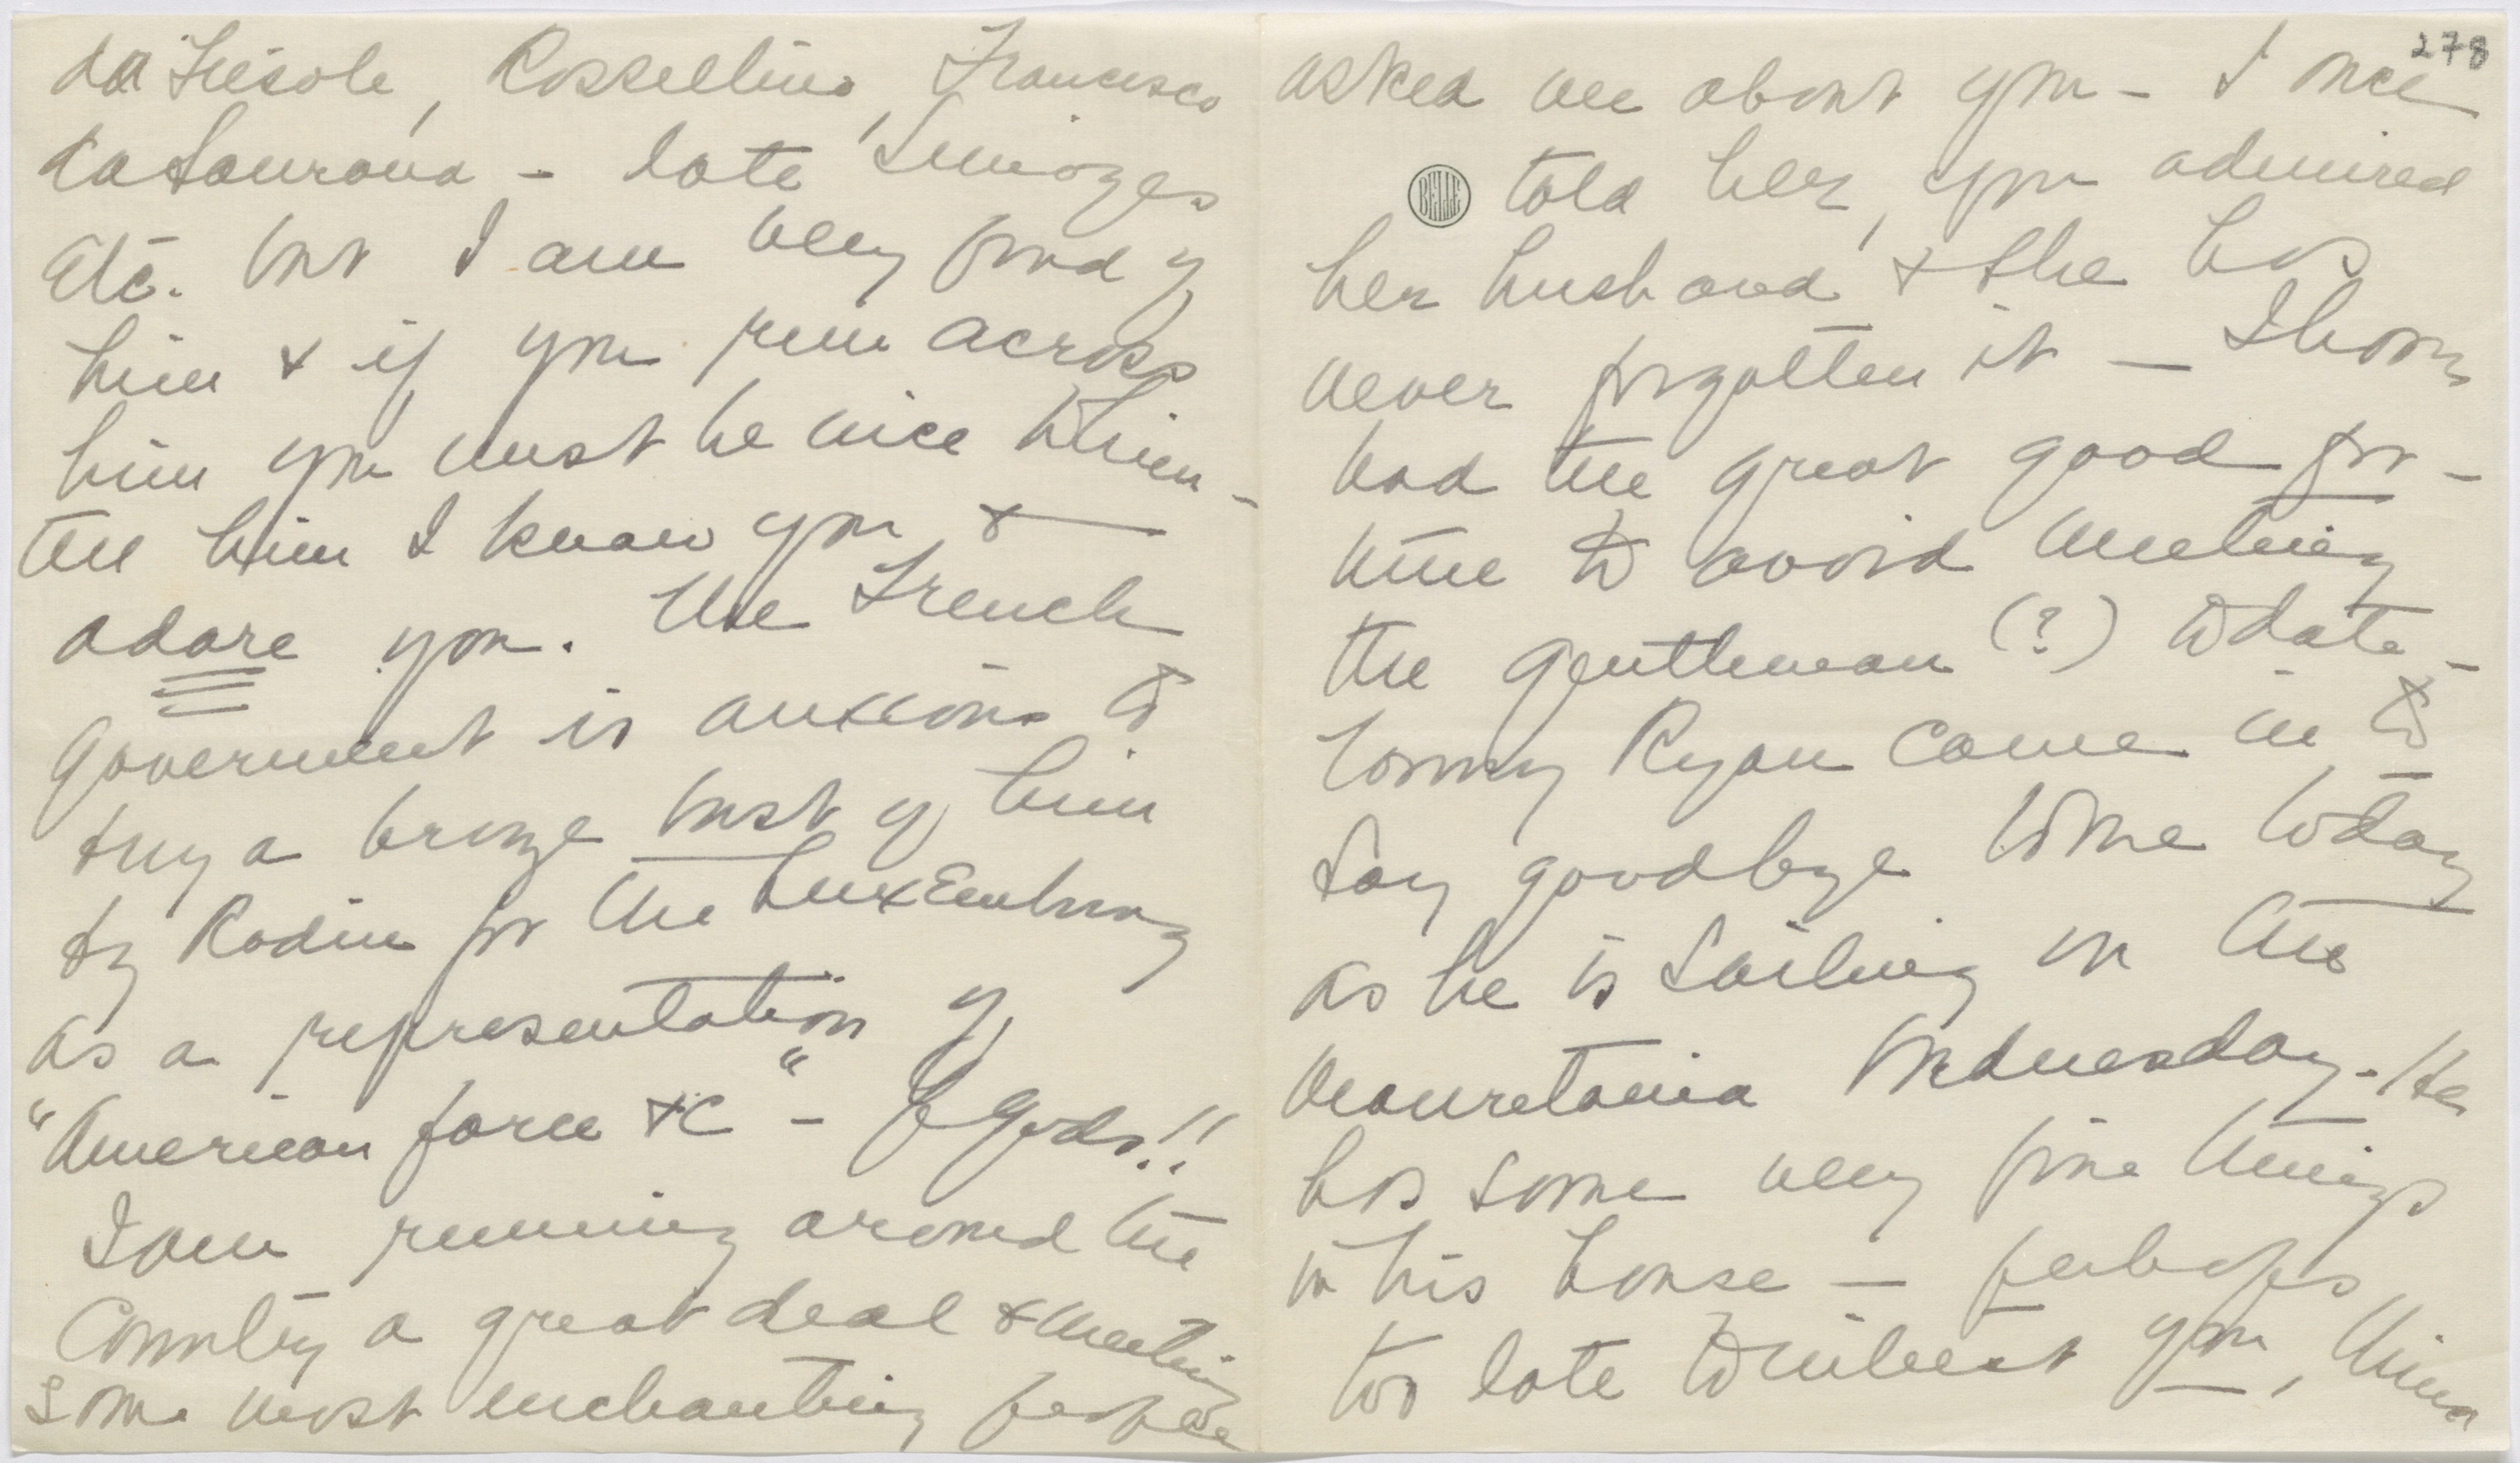asked me about you – I once told her you admired her husband & she has never forgotten it – I have had the great good fortune to avoid meeting the gentleman (?) to date – Tommy Ryan came in to say goodbye to me today as he is sailing on the Mauretania Wednesday – He has some very fine things in his house – perhaps too late to interest you, Mino
da Fiesole, Rossellino, Francesco da Laurana – late Limoges etc. but I am very fond of him & if you run across him you must be nice to him – tell him I know you & [triple underlined: adore] you. The French government is anxious to buy a bronze bust of him by Rodin for the Luxembourg as a representation of “American force &c” – Ye Gods!!
I am running around the country a great deal & meeting some most enchanting people